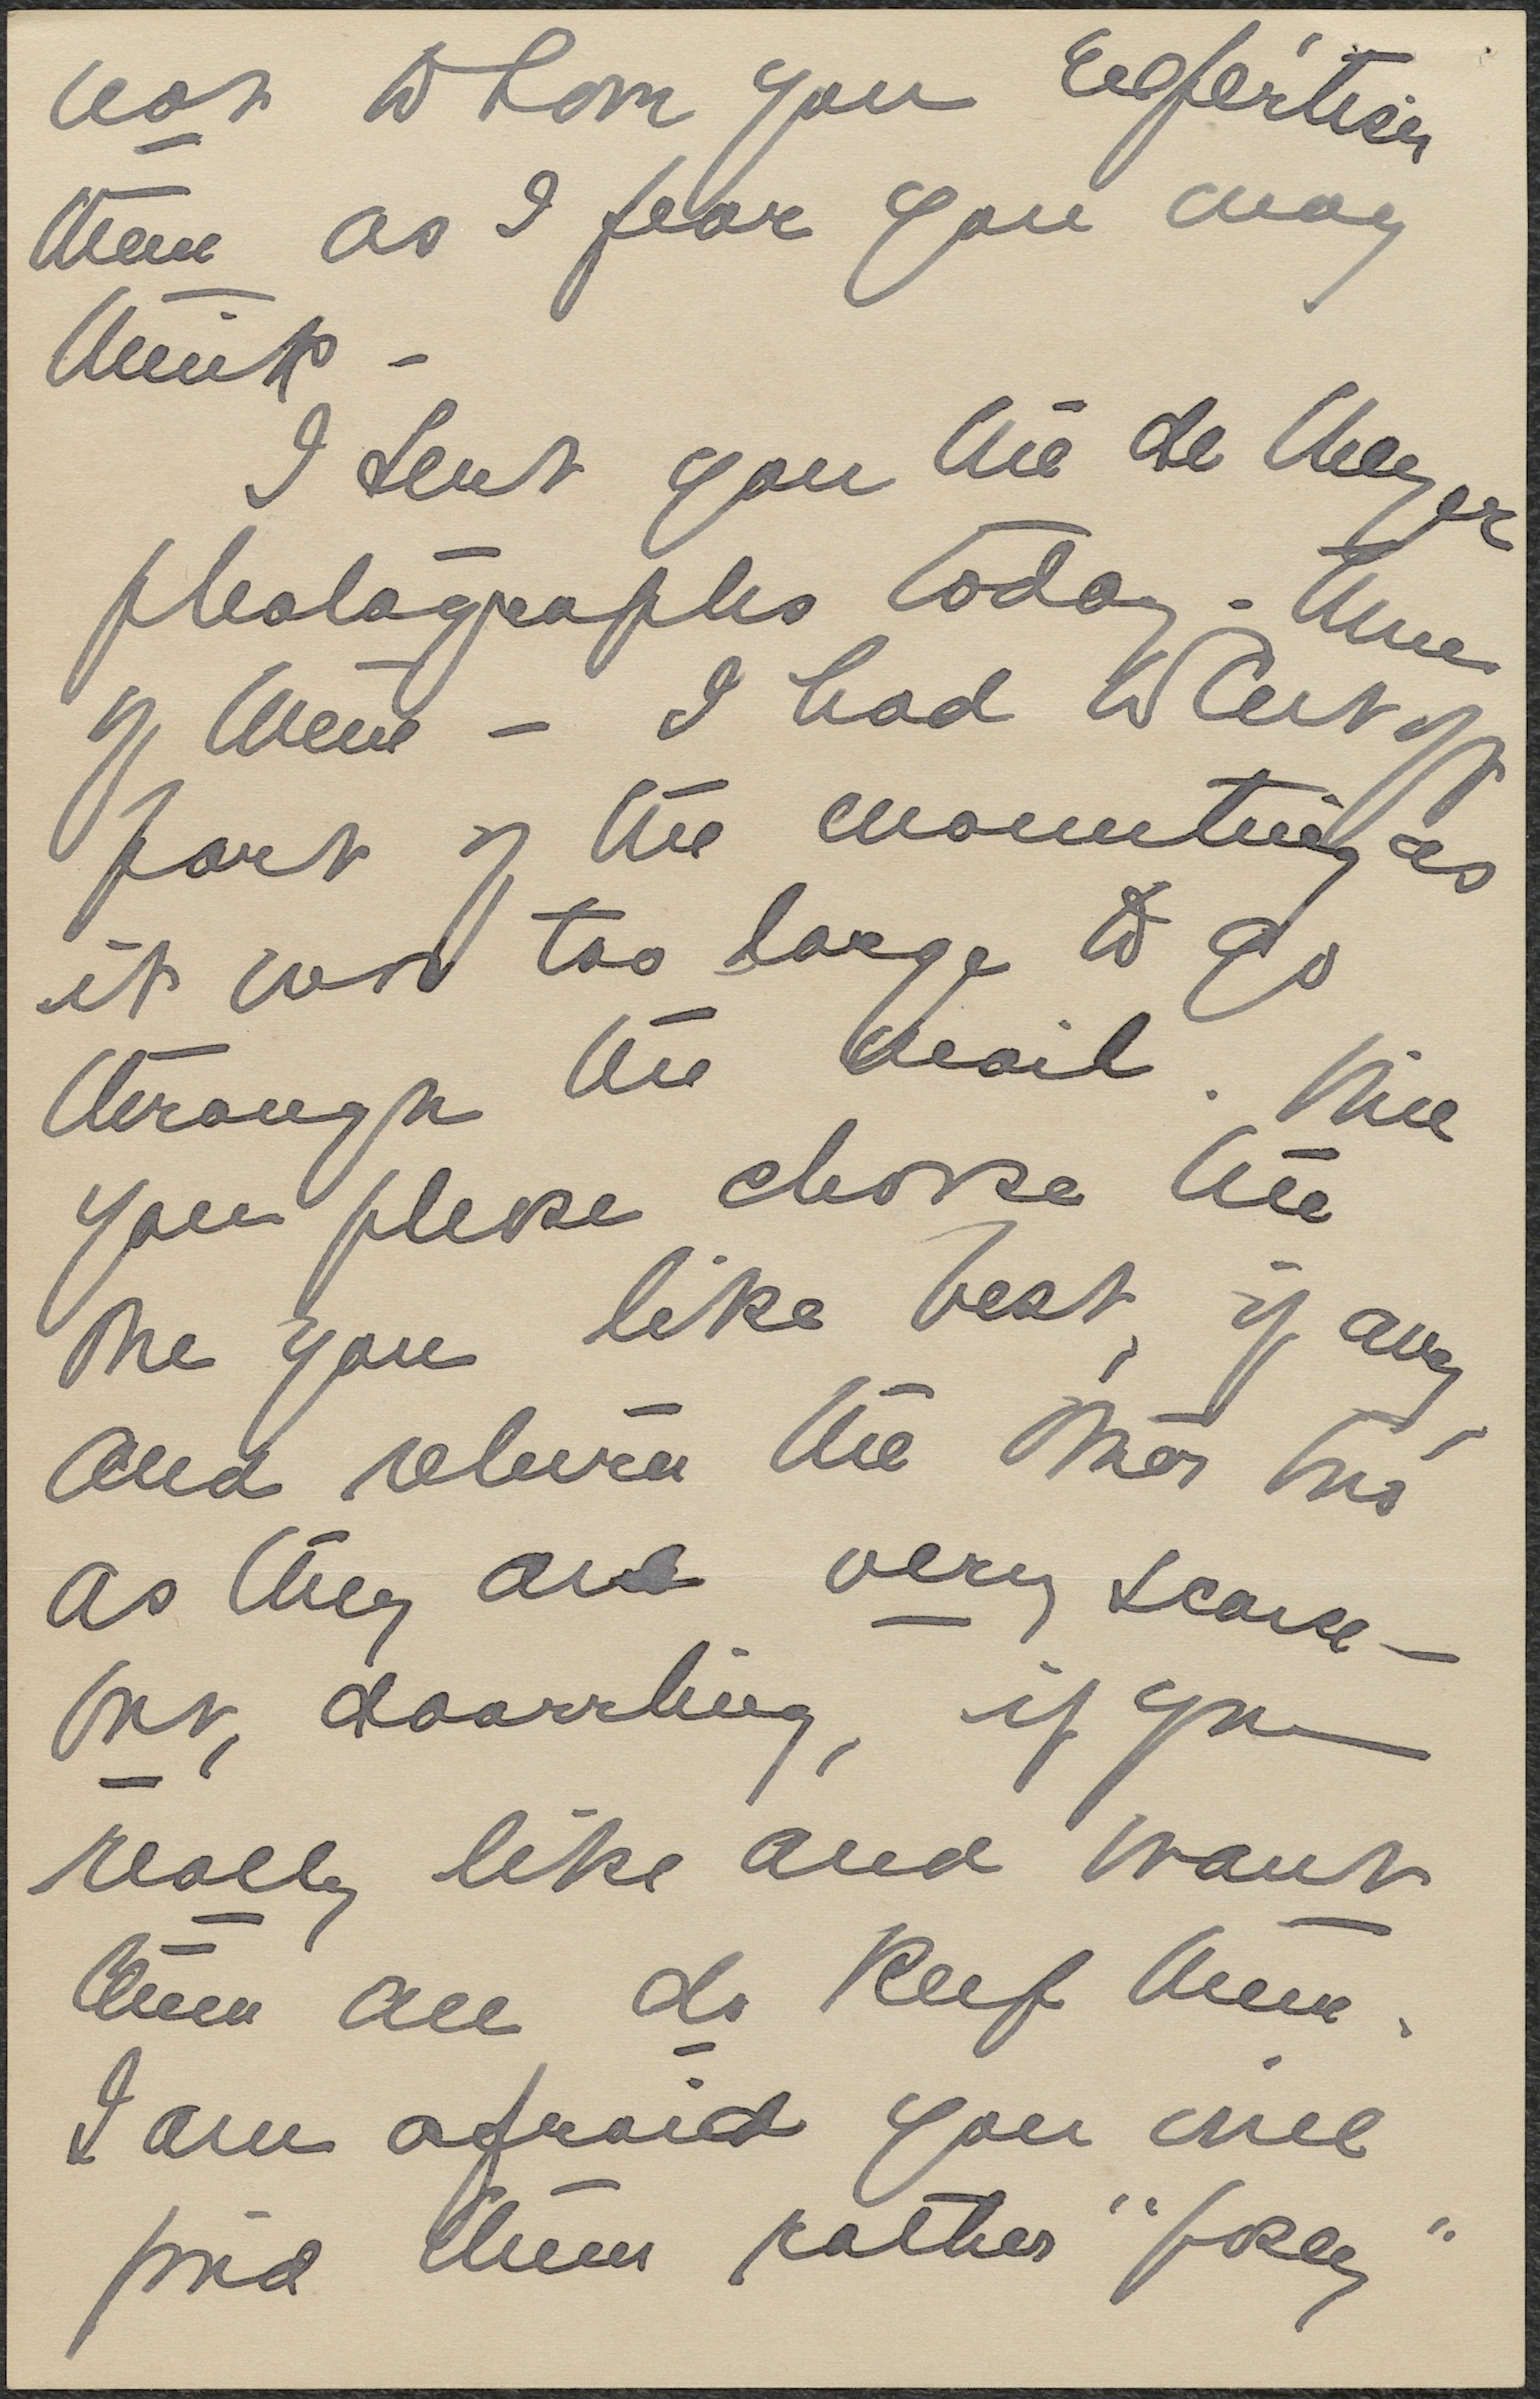not to have you expertise there as I fear you may think –
I sent you the de Meyer photographs today – Three of them – I had to cut off part of the mounting as it was too large to go through the mail. Will you please choose the one you like best, if any, and return the other two as they are very scarce – but, daarrling, if you really like and want them all do keep them. I am afraid you will find them rather “posey”